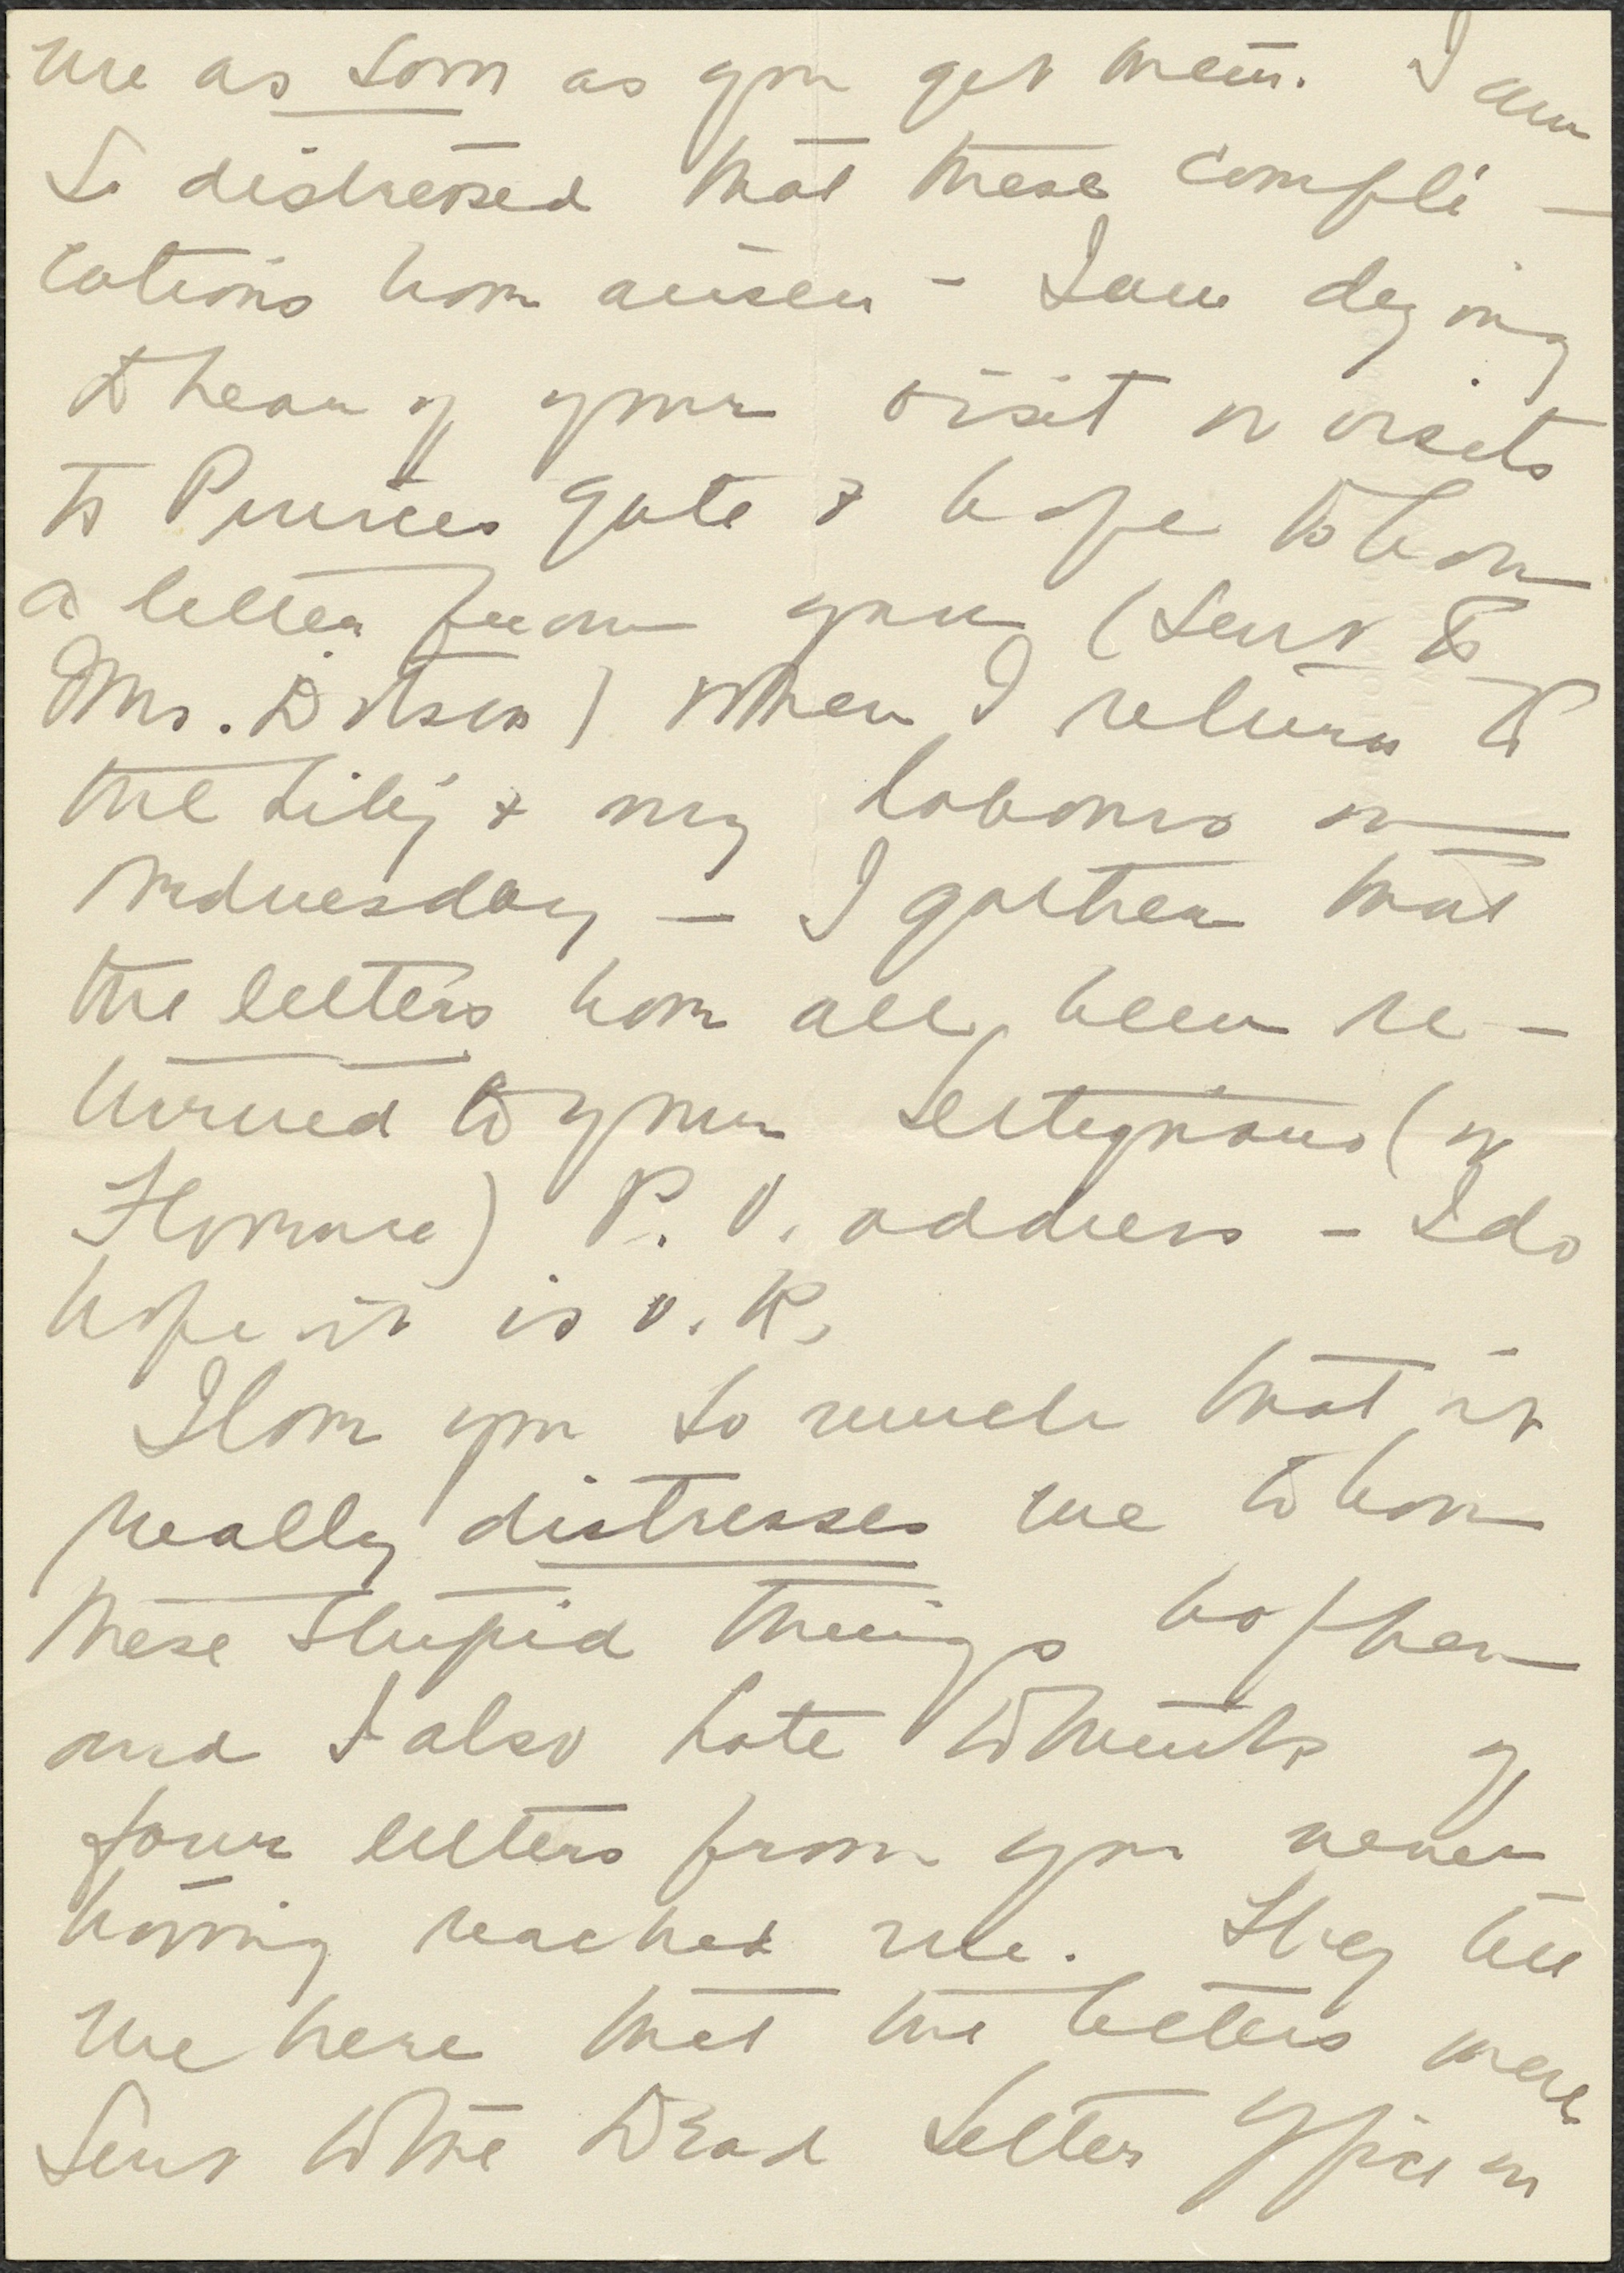me as soon as you get them. I am so distressed that these complications have arisen – I am dying to hear of your visit or visits to Princes Gate & hope to have a letter from you (sent to Mrs. Ditson) when I return to the Lib’y & my labours on Wednesday – I gather that the letters have all been returned to your Settignano (or Florence) P.O. address – I do hope it is o.k.
I love you so much that it really distresses me to have these stupid things happen and I also hate to think four letters from you never having reached me. They tell me here that the letters were sent to the Dead Letter Office in